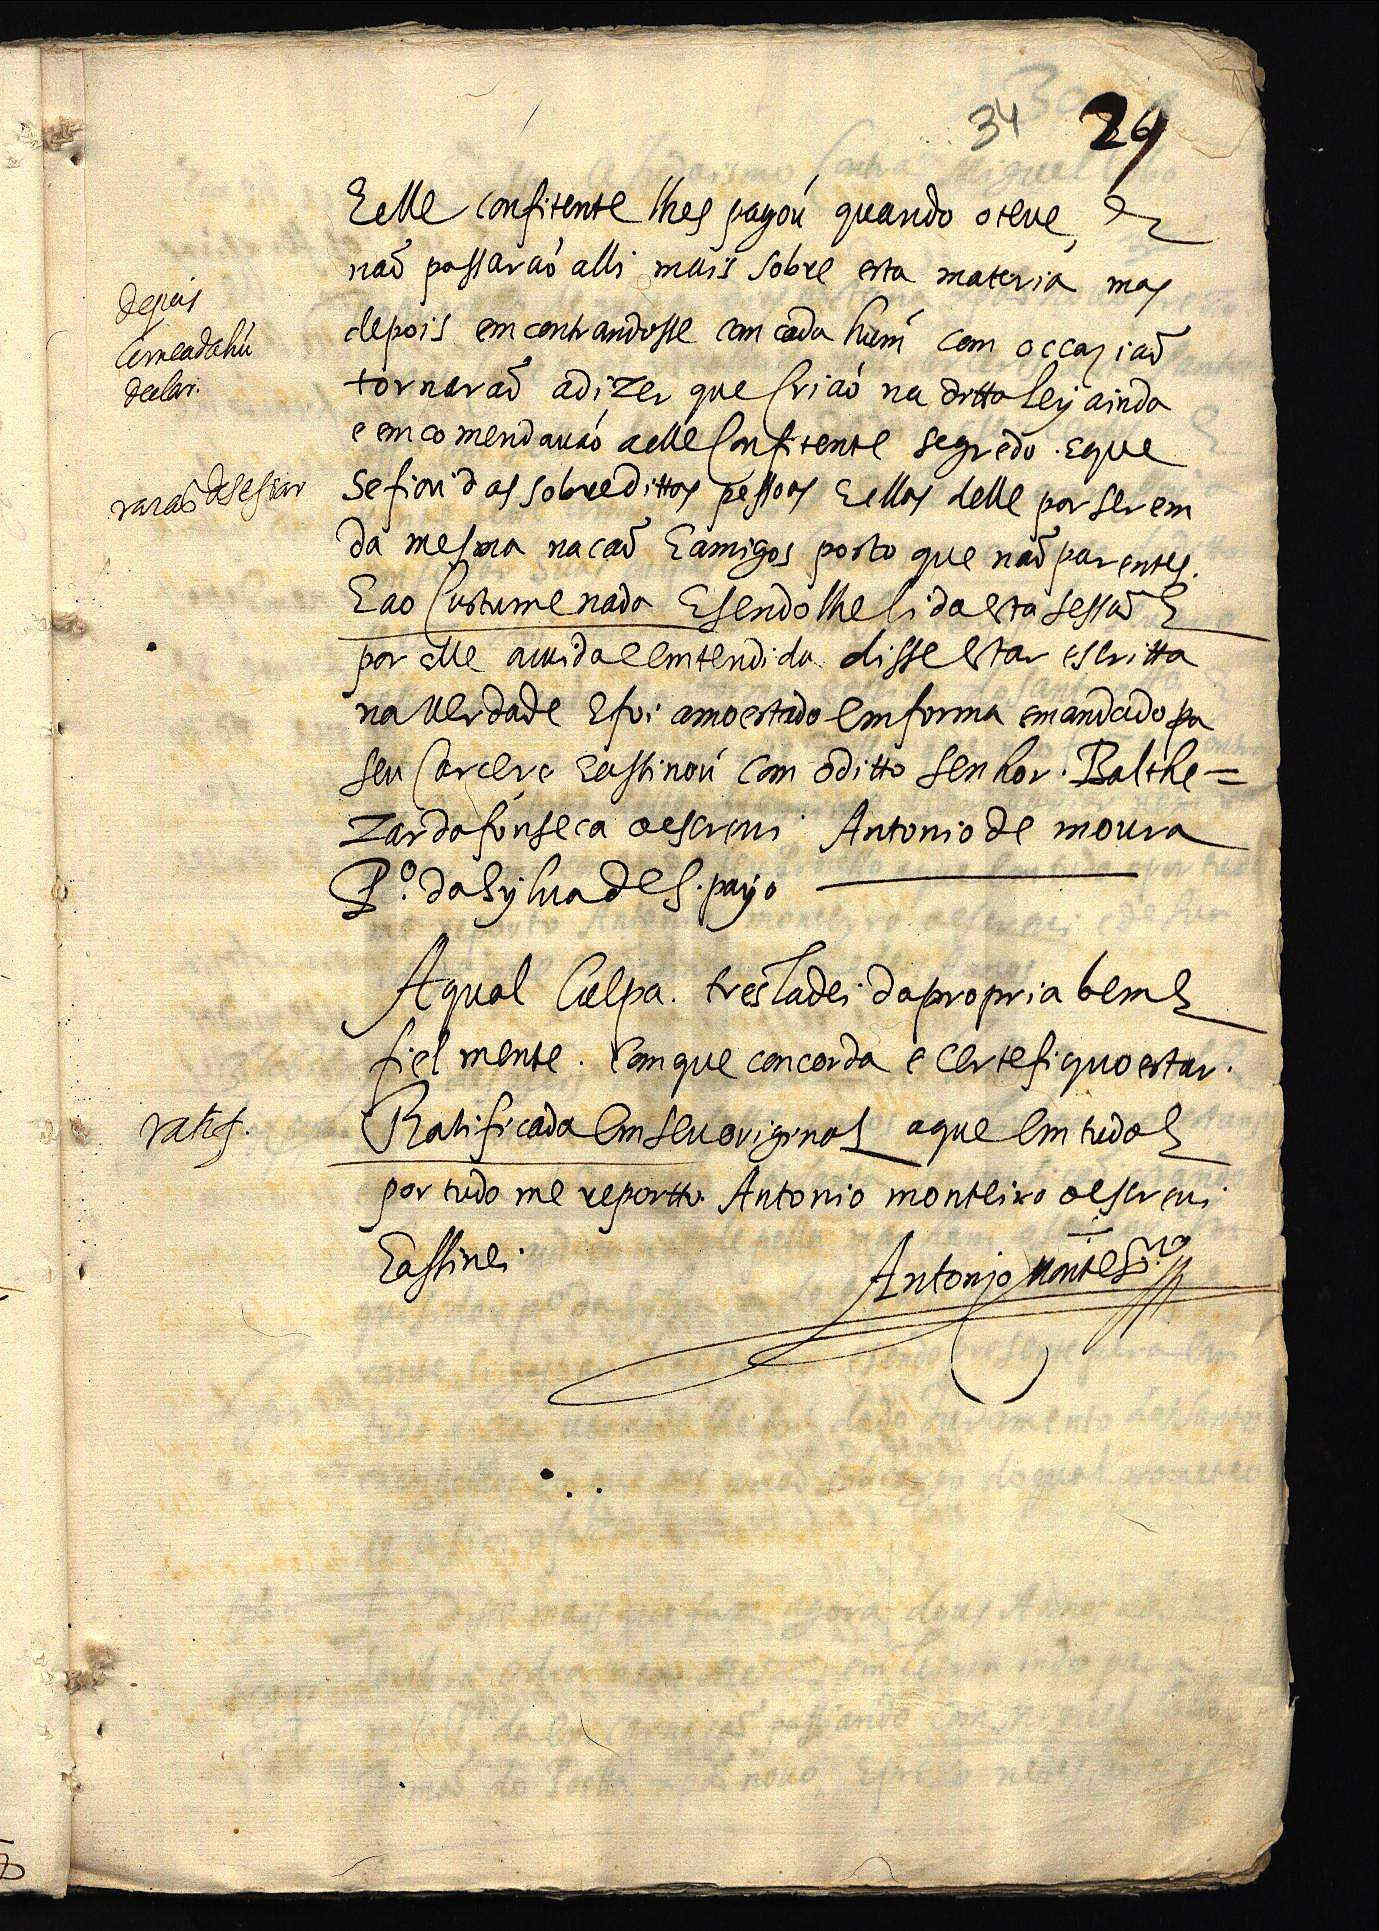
depois
com cada hū
declar.
razaõ de se fiar
ratif.
E elle confitente lhes pagou quando o teue, E
naõ passaraõ alli mais sobre esta materia mas
depois emcontrandosse com cada hum com occaziaõ
tornaraõ a dizer que Criaõ na ditta Ley ainda
e emcomendauaõ a elle Confitente segredo. E que
Se fiou das sobredittas pessoas E ellas delle por serem
da mesma naçaõ E amigos posto que naõ parentes
E ao Custume nada E sendo lhe lida esta sessaõ E
por Elle ouuida e emtendida disse estar escritta
na uerdade E foi amoestado em forma e mandado ꝑa
seu Carcere E assinou com o ditto senhor. Balthe
zar da fonseca o escreui Antonio de moura
P.o da sylua de s. payo
A qual Culpa tresladei da propria bem E
fielmente . Com que concorda e certefiquo estar
Ratificada em seu originaL a que em tudo E
por tudo me reportto Antonio monteiro o escreui
E assinei
